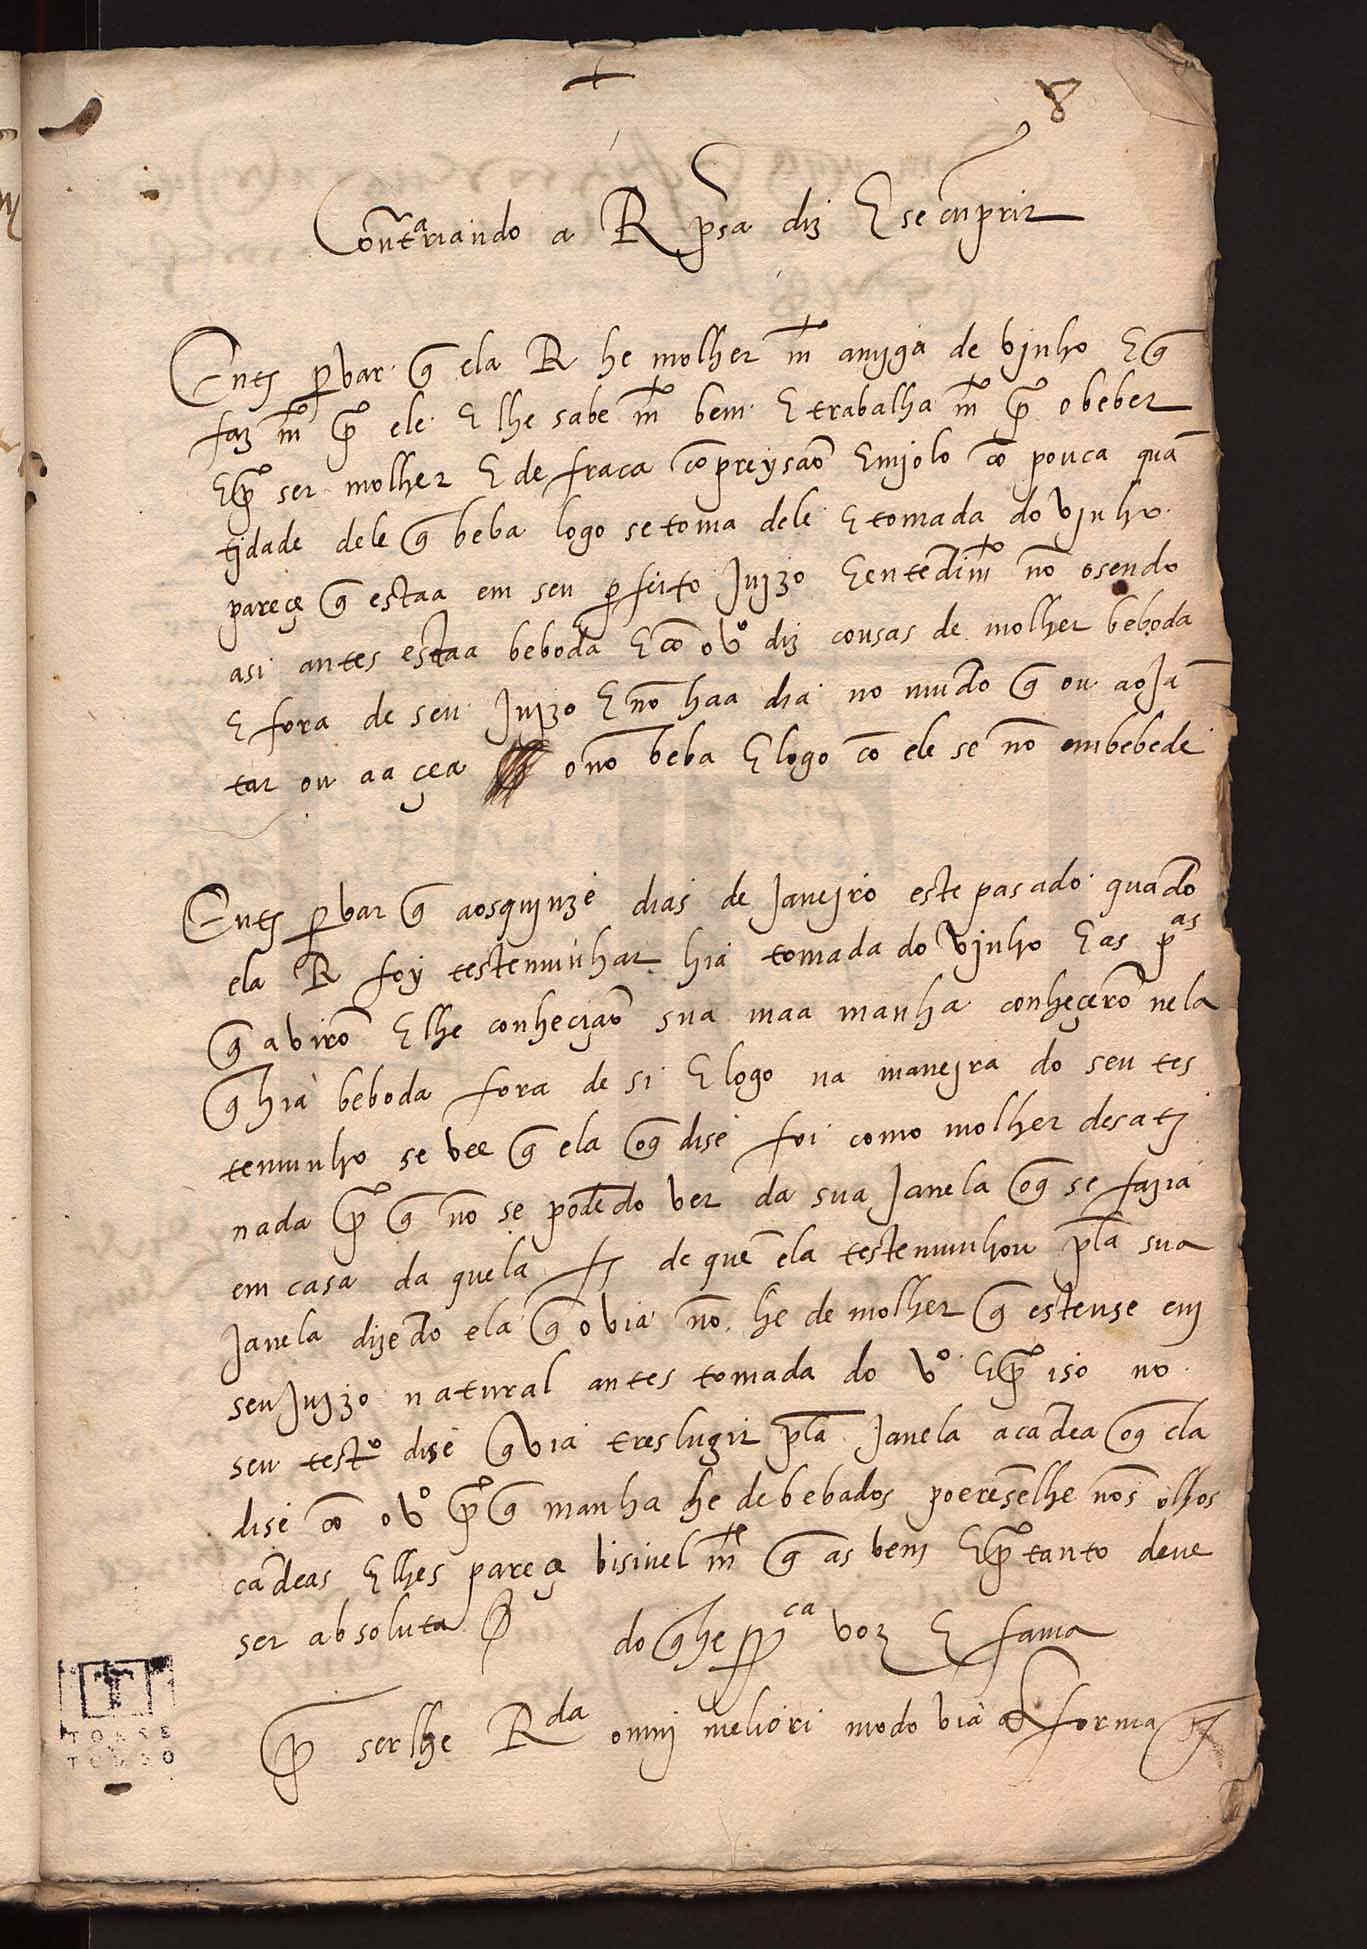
8
Contrariando a R p̄sa diz E se cūprir
Entꝭ ꝓvar q̄ ela R. he molher mto amjga de vjnho E q̄
faz mto p̄o ele E lhe sabe mto bem E trabalha mto p̄o o beber
E p̄o ser molher E de fraca c̄opreysão E mjolo c̄o pouca quā
tjdade dele q̄ beba logo se toma dele E tomada do vjnho
parece q̄ estaa em seu ꝑfeito Jujzo E entēdimto nō o sendo
asi antes estaa beboda E c̄o o vo diz cousas de molher beboda
E fora de seu Jujzo E n̄o haa dia no mūdo q̄ ou ao Jā
tar ou aa cea q̄ o nō beba E logo c̄o ele se n̄o embebede
Entꝭ ꝓvar q̄ aos qujnze dias de Janejro este pasado. quādo
ela R foy testemunhar hia tomada do vinho E as pas
q̄ a virō E lhe conhecião sua maa manha conhecerō nela
q̄ hia beboda fora de si E logo na manejra do seu tes
temunho se vee q̄ ela o q̄ dise foi como molher desatj
nada p̄oq̄ nō se podēdo ver da sua Janela o q̄ se fazia
em casa daquela fꝭ de quē ela testemunhou p̄la sua
Janela dizēdo ela q̄ o via n̄o he de molher q̄ esteuse em
seu Jujzo natural antes tomada do vo E p̄o iso no
seu testo dise q̄ via treslugir p̄la Janela a cādea o q̄ ela
dise c̄o o vo p̄oq̄ manha he de bebados poerēse lhe nos olhos
cādeas E lhes parece visiuelmte q̄ as vem E p̄otanto deue
ser absoluta
do q̄ he ꝑꝑca voz E fama
p̄ ser lhe Rda omnj meliori modo via & forma c̄ꝭ
